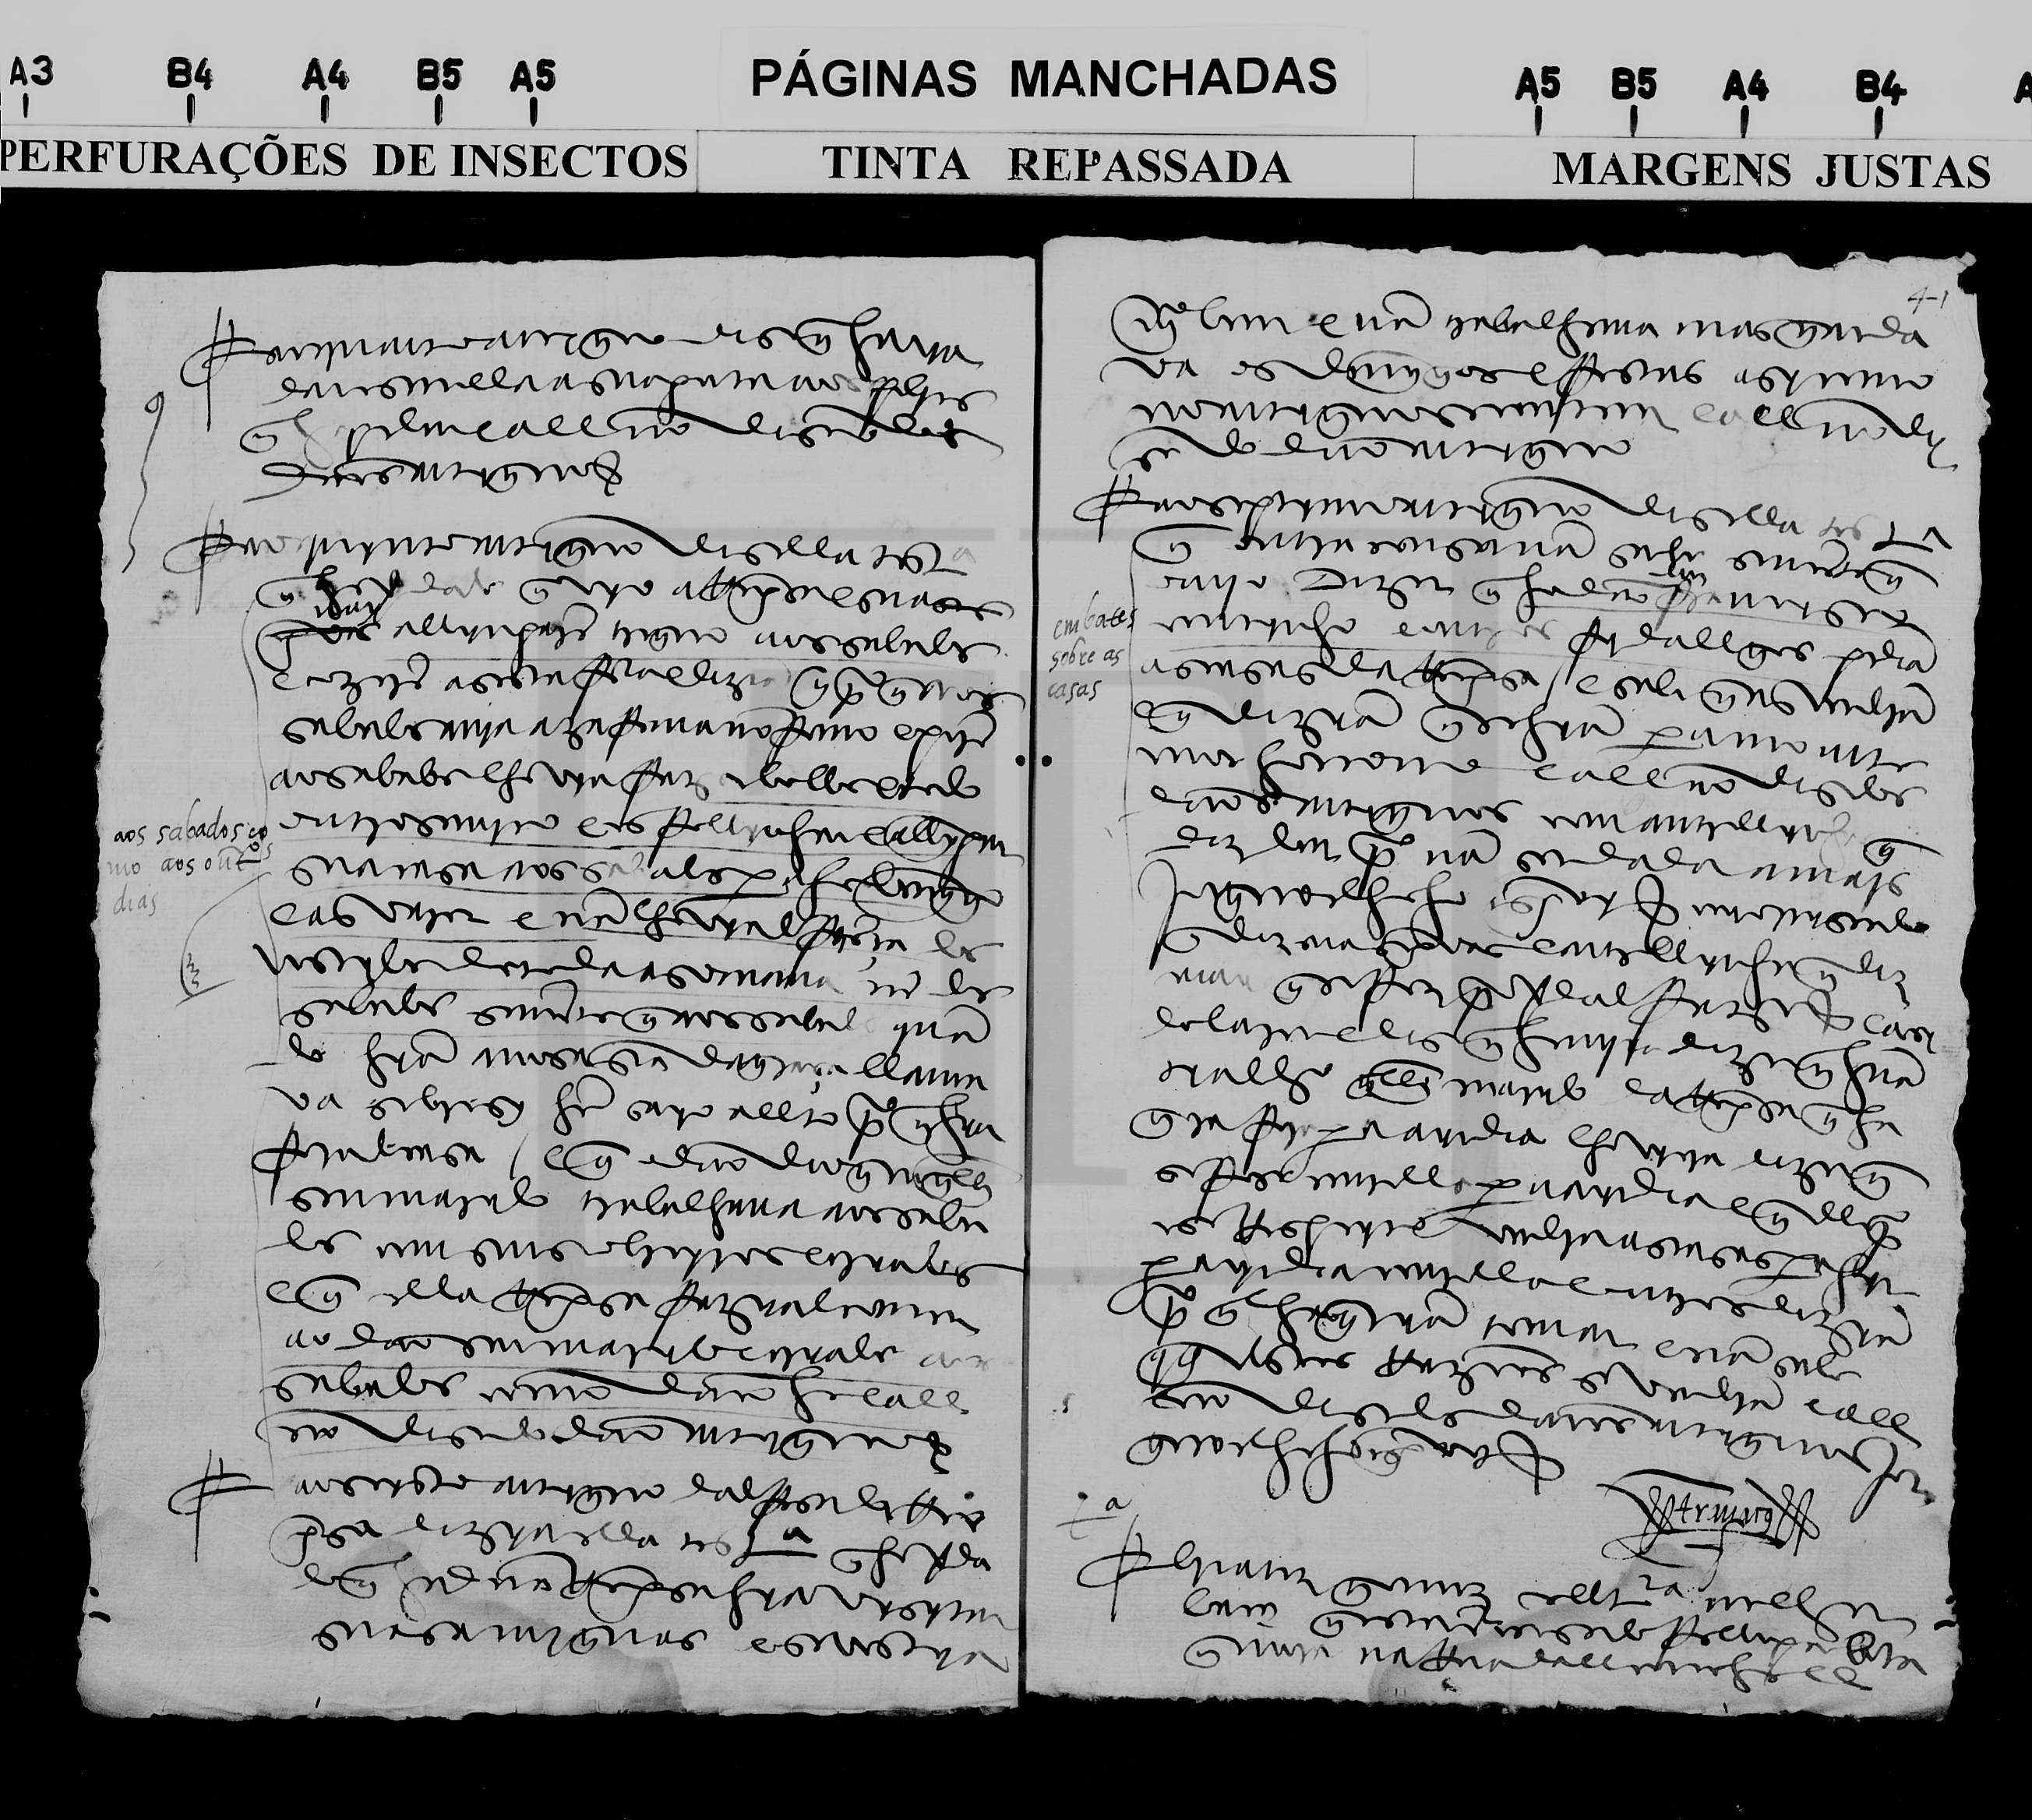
item ao quarto artyguo dise q̄ ha vja
dar esmolla a sua porta aos pobres
q̄ ha pedem e all n̄o dise dos
ditos artyguos
item ao quynto artyguo dis ella testa
q̄ he ꝟdade q̄ vyo a Re p̄sa e suas es
may
p̄vas allynparē triguo aos sabados
e cozerē a sesta fra e diziā q̄ p̄oq̄ aos
sabados auja azafama no forno e porē
aos sabados lhe vya fazer bollos e todo
outro serujço e esfelvynhar e allȳpar
sua casa aos sabados ꝑa ho domȳgo
e as varer e nā lhe vya deferēça dos
vestydos de toda a somana nē dos
sabados somēte q̄ aos sabados quā
do hyā a nosa s̄ra da graça llança
va sobre sy hū sayo allto p̄oq̄ hya
fora de casa / e q̄ o dito dioguo ḡllz
seu marydo trabalhaua aos saba
dos com seus obreyros e cryados
e q̄ ella Re p̄sa fazya de comer
ao dito seu marydo e cryados aos
sabados como dito he e all
n̄o dise do dito artyguo
item ao seysto artyguo da defesa da Ree
p̄sa dizya ella testa q̄ he ꝟda
de q̄ ha dita Re p̄sa hya vysytar
suas amjguas e se vestya
aos sabados co
mo aos outros
dias
41
mto bem e nā trabalhaua mas garda
va os domȳgos e festas asy como
no artyguo se contem e all nō dy
se do dito artyguo
item ao septymo artyguo dis ella testa
q̄ outra cousas nā sabe somēte q̄
ouujo Dizer q̄ ho dito dom francysco
coutynho e outros fydalgos pediā
as casas da Re p̄sa / e sabe q̄ as venderā
e q̄ dizyā q̄ se hyā ꝑa momte
mor ho nouo e all nō dise dos
ditos artyguos com antrellynha q̄
diz dom p̄o nā ser dada a majs
Jorge coelho ho esp̄vy com o rryscado
q̄ diz suas ep̄vas e antrellynha q̄ diz
may q̄ se fez p̄o ꝟdade fazer e asy
declarou e dise q̄ houuyra diser q̄ huā
tya de djo gl̄lz marydo da Re p̄sa q̄ ha
gora fora ꝑa a yndia lhe vyera dizer q̄
se fose com ella ꝑa a yndia e q̄ ella p̄o
ese Respeyto vendera as casas ꝑa hyr
ꝑ a yndia com ella e outros dizyā
p̄oq̄ lhas q̄ryā tomar e nā sabe
q̄ll destas Razões se venderā e all
n̄o dise dos ditos artyguos Jor
ge coelho ho esp̄vy
trauaçꝯ
item briatiz gomez solltra molher
baça q̄ esta ē casa de fellipa Bota
q̄ mora na Rua dallconchell
embates
sobre as
casas
